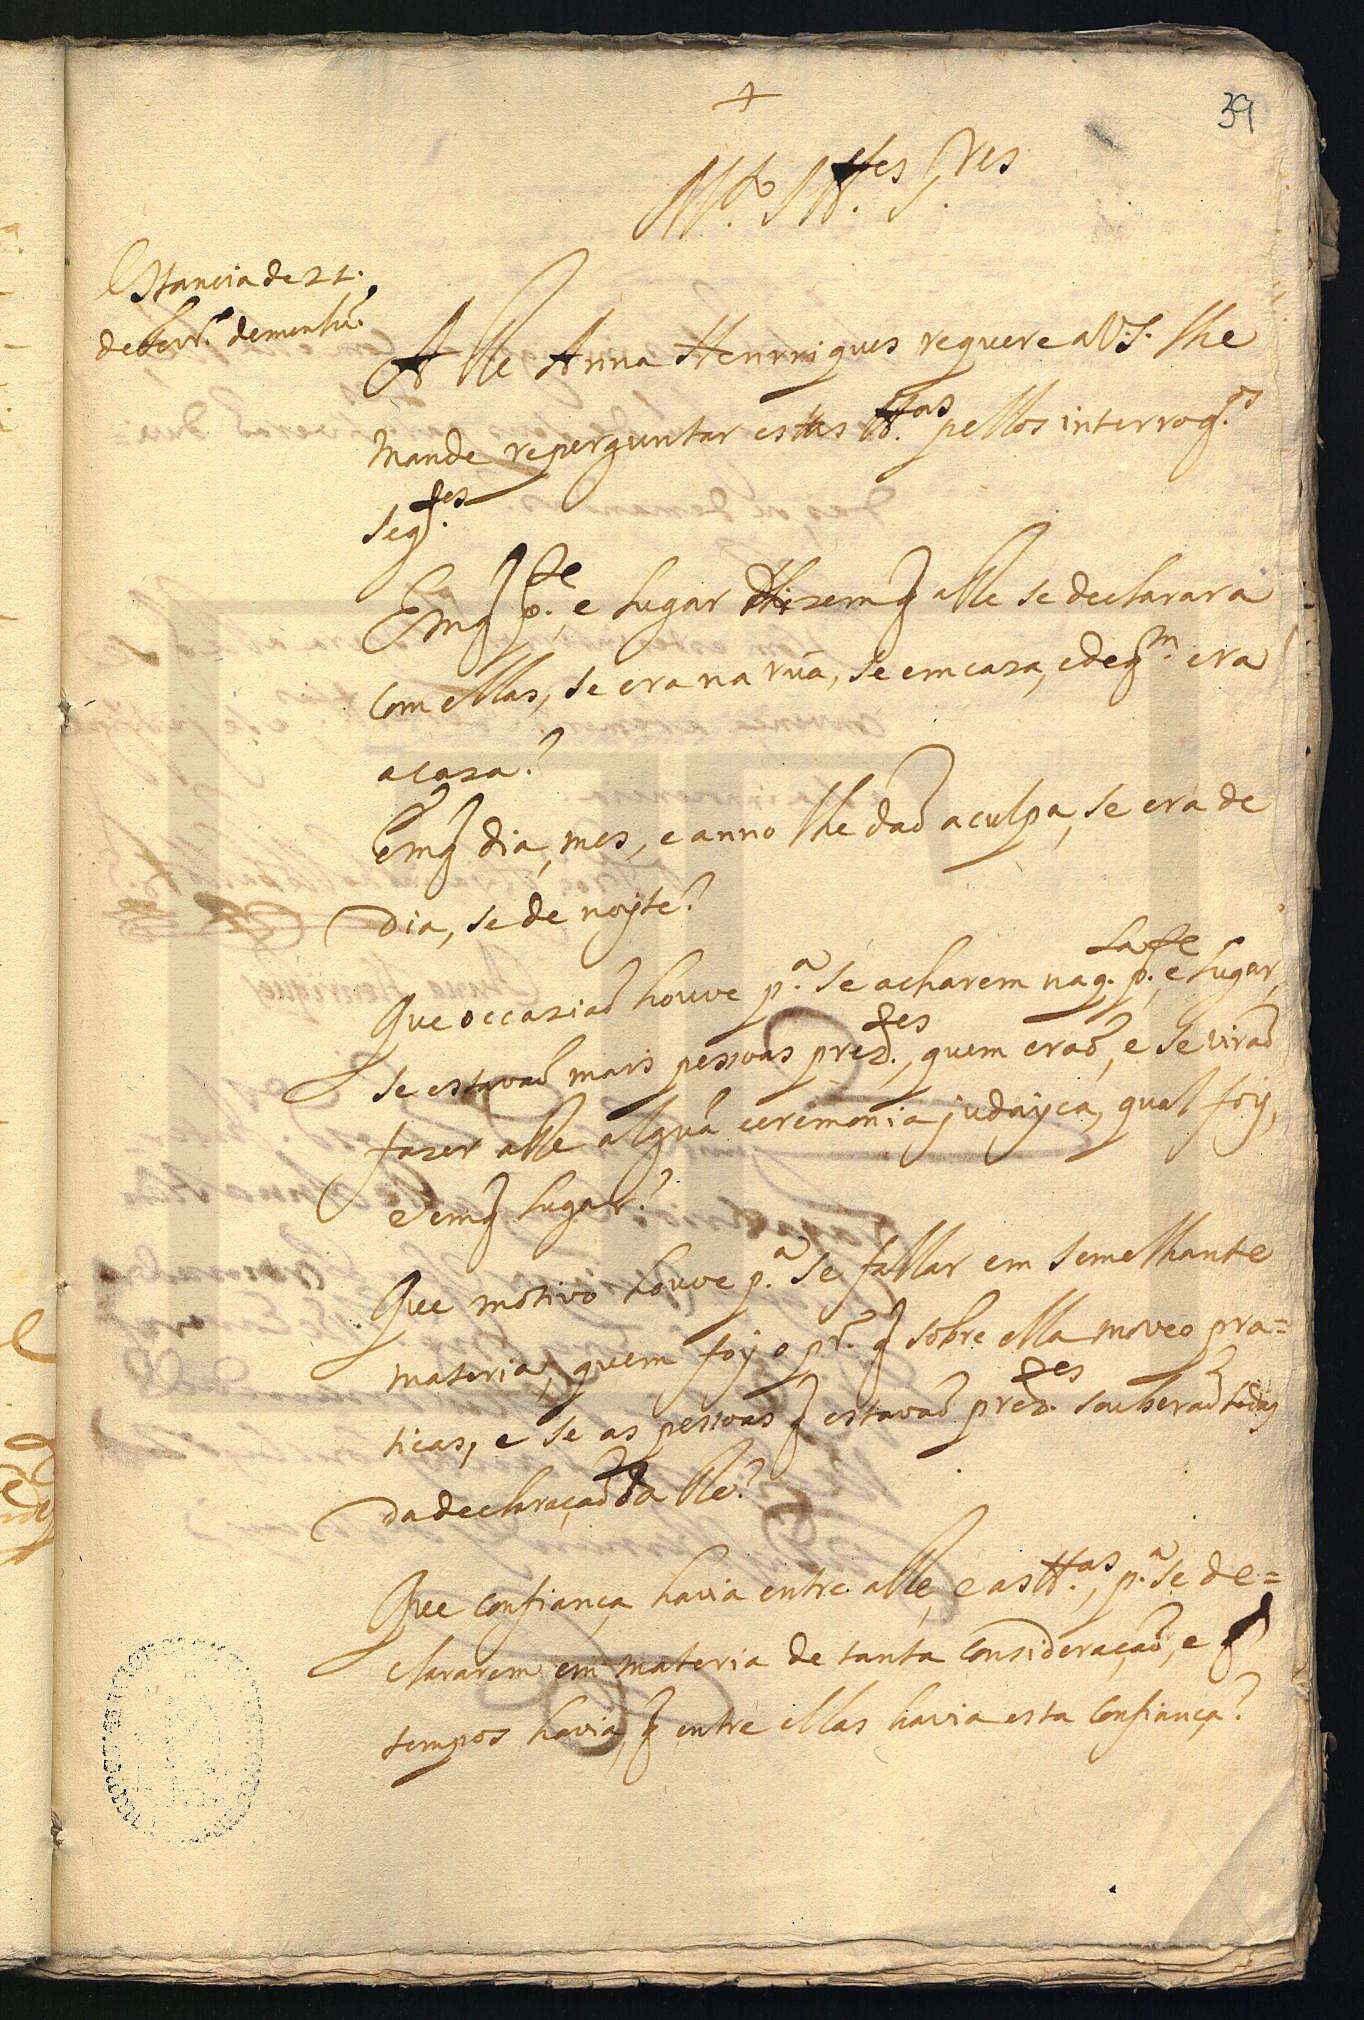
M.to Ill.es S.res
Estancia de 21.
de Fevr.o de manhã.
A Re Anna Henrriques requere a V S. lhe
mande reperguntar estas tt.as pellos interrog.os
seg.tes
Em q̄ p.te e lugar dizem q̄ a Re se declarara
com ellas, se era na rua, se em caza, e de q.m era
a caza?
Em q̄ dia, mes, e anno lhe daõ a culpa, se era de
dia, se de noyte?
Que occaziaõ houve p.a se acharem naq.La p.te, e lugar,
se estavaõ mais pessoas prez.te, quem eraõ, e se viraõ
fazer a Re alguā ceremonia judayca, qual foy,
e em q̄ lugar?
Que motivo houve p.a se fallar em semelhante
materia, quem foy o pr.o q̄ sobre ella moveo pra
ticas, e se as pessoas q̄ estavaõ prez.tes souberaõ todas
da declaraçaõ da Re?
Que confiança hauia entre a Re, e as tt.as, p.a se de
clararem em materia de tanta consideraçaõ, e q̄
tempos haviaõ, q̄ entre ellas havia esta confiança?
